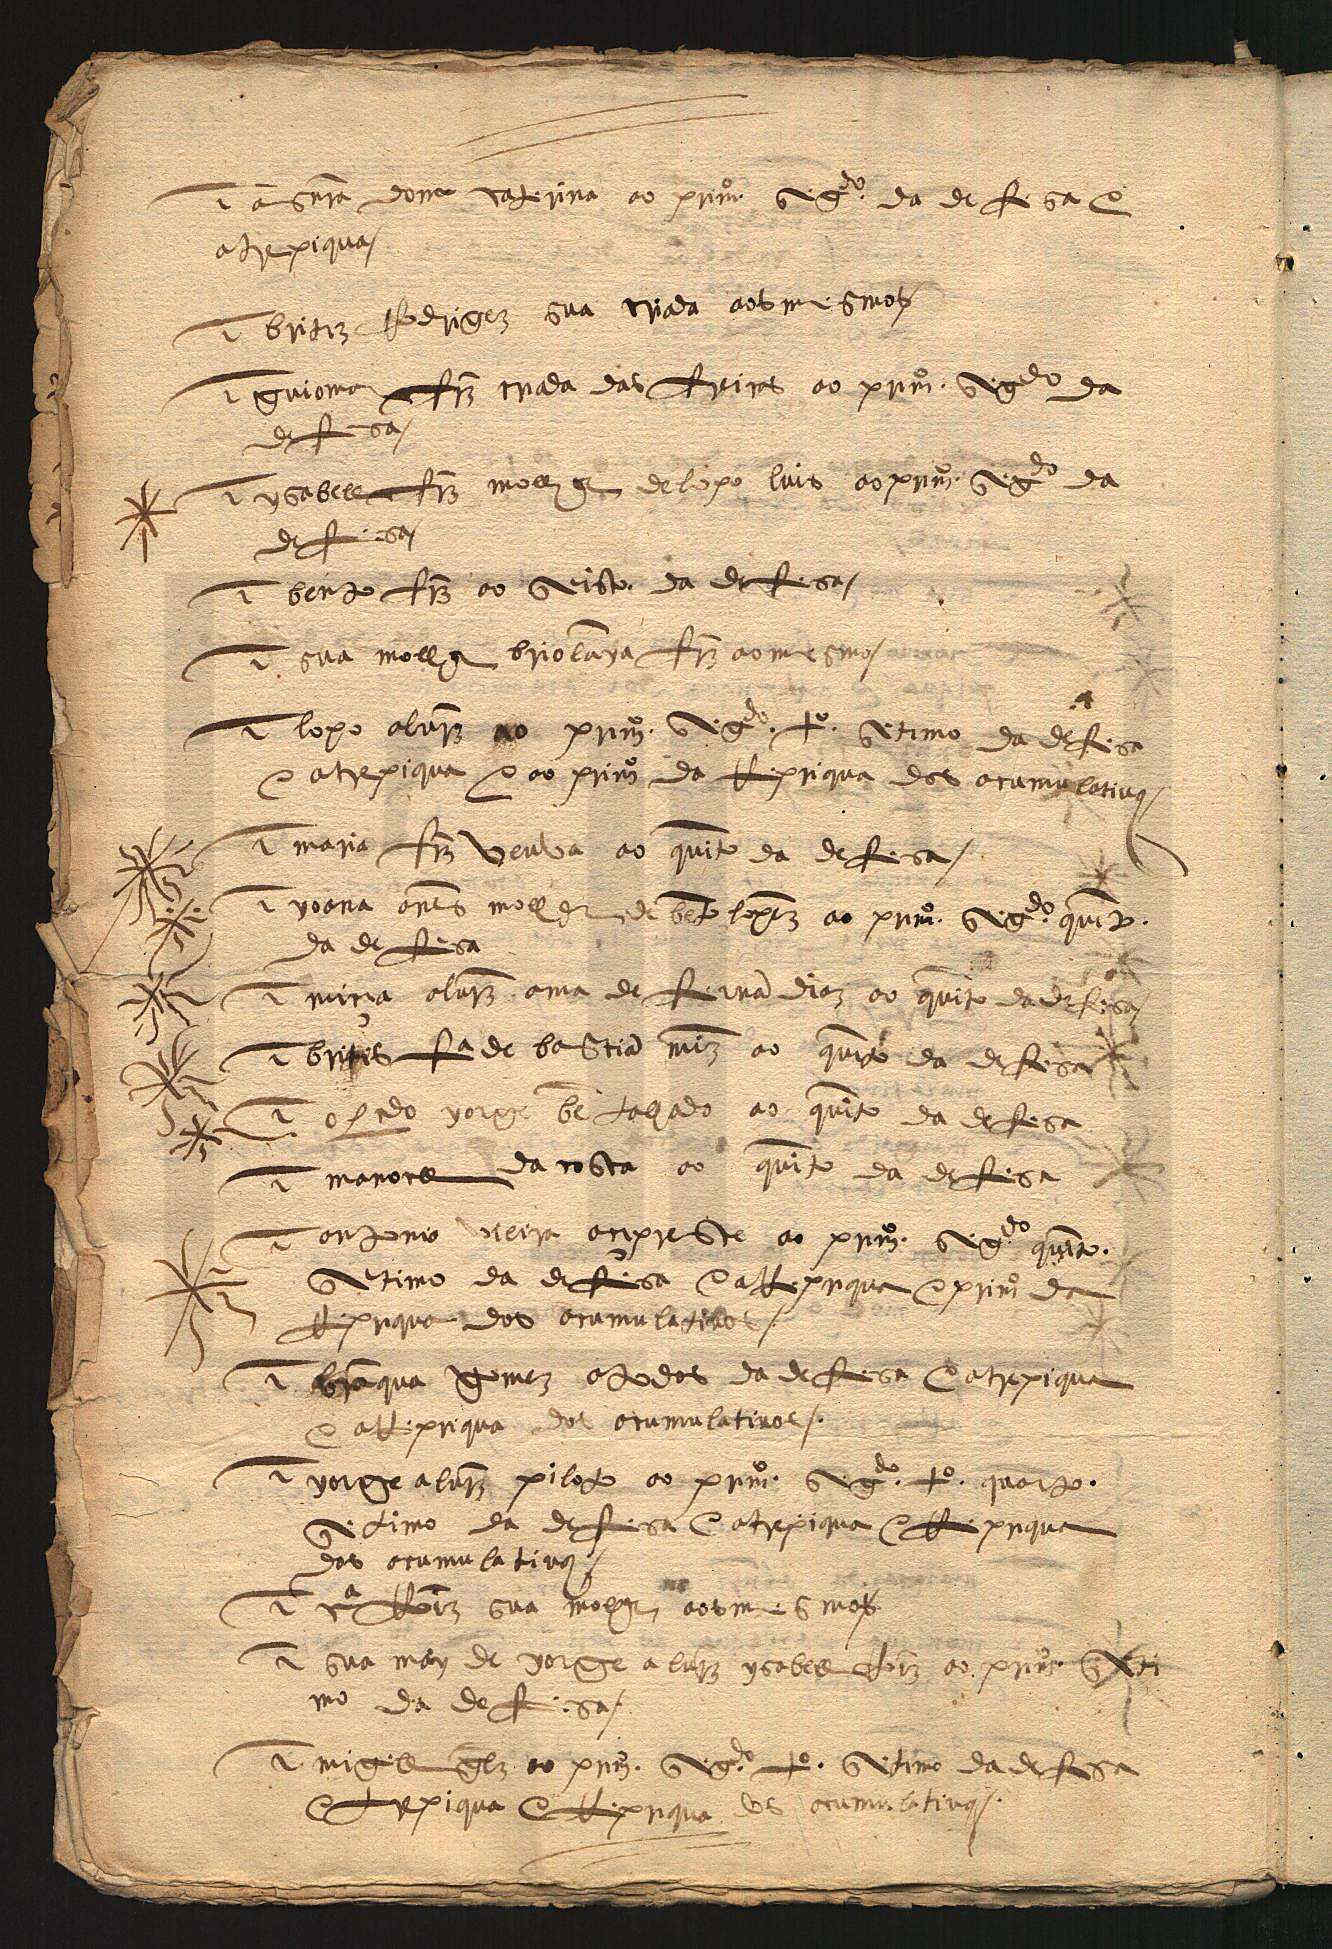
item a sn̄ra dona caterina ao primo. segdo. da defesa e
a trepiqua/
item britiz Rodrigez sua criada aos mesmos/
item guiomar fr̄z criada das freiras ao primo. segdo da
defesa/
item ysabell fr̄z molher de lopo luis ao primo. segdo da
defesa/
item bento fr̄z ao seisto da defesa/
item sua molher briol̄aya fr̄z ao mesmo/
item lopo alur̄z ao primo. segdo. to. setimo da defesa
e a trepiqua e ao primo da Repriqua dos acumulatiuꝯ /
item maria fr̄z veuva ao q̄uito da defesa /
item yoana an̄es molher de b̄eto lopez ao primo. segdo. q̄uito.
da defesa
item miçia alūrz ama de fernā diaz ao q̄uito da defesa/
item brites fa de bastiā m̄iz ao q̄uito da defesa
item o Lcdo yorge b̄e talhado ao q̄uito da defesa
item manoell da costa ao q̄uito da defesa
item antonio vieira açipreste ao primo. segdo. qūito.
setimo da defesa e a Repriqua e primo da
Repriqua dos acumulatiuos /.
item brāqua gomez a todos da defesa e a trepiqua
e a Repriqua dos acumulatiuos /.
item yorge alur̄z piloto ao primo. segdo. to. quarto.
setimo da defesa e atrepiqua e Repriqua
dos acumulatiuꝯ /
item ca Rōiz sua molher aos mesmos/
item sua may de yorge alur̄z ysabell Roīz ao primo seti
mo da defesa /.
item migell ḡlz ao primo. segdo. to. setimo da defesa
e trepiqua e Repriqua dos acumulatiuꝯ/.
